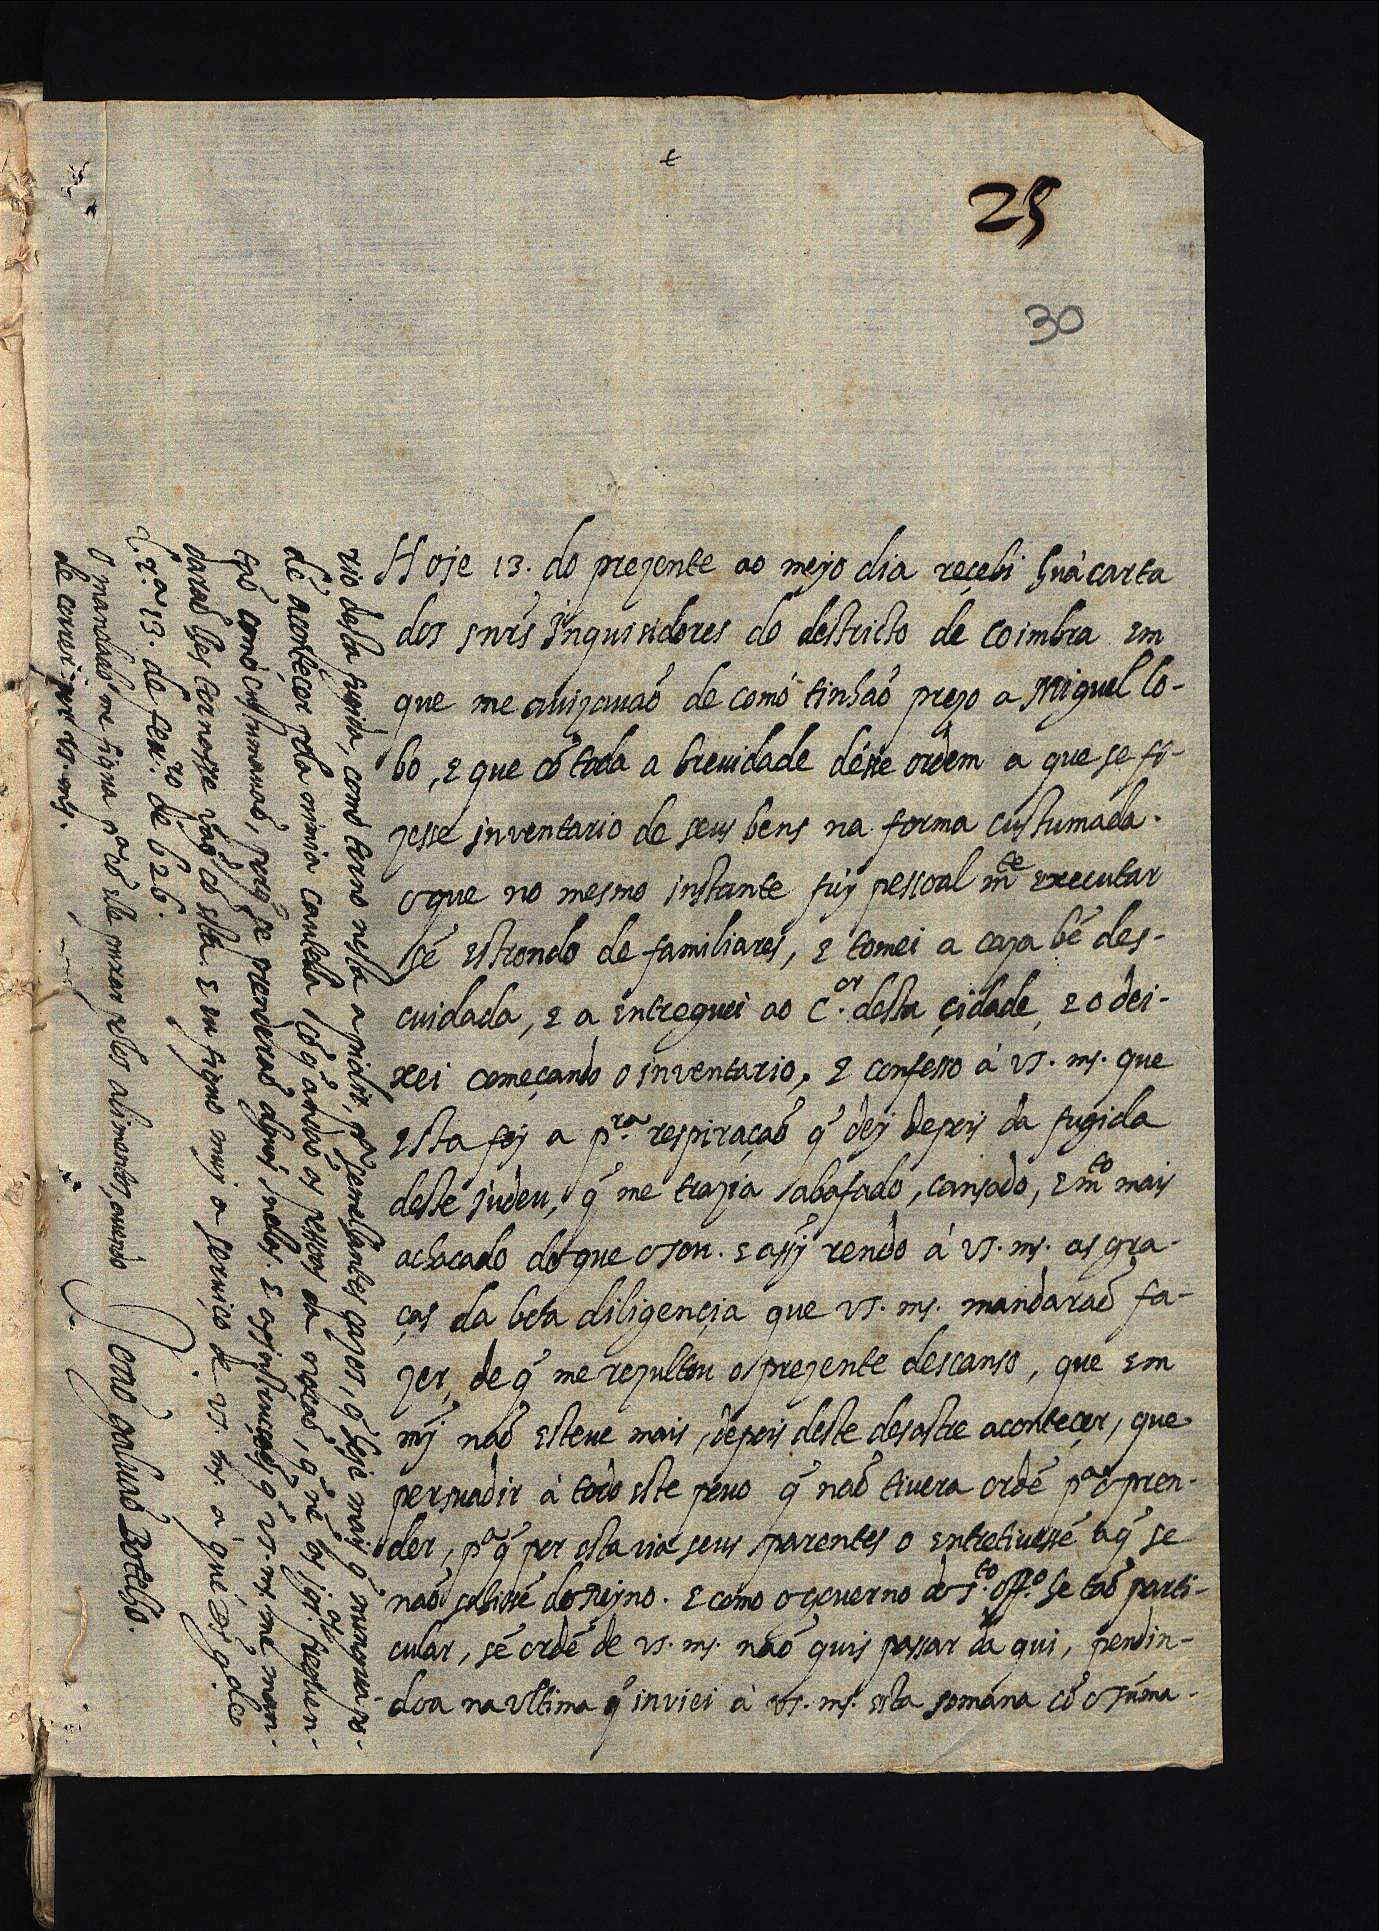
Hoje 13. do prezente ao meyo dia reçebi huā carta
dos snr̄s Inquisidores do destricto de coimbra em
que me auizauaõ de como tinhaõ prezo a Miguel lo
bo, E que cō toda a breuidade désse ordem a que se fi
zesse jnventario de seus bens na forma custumada.
o que no mesmo instante fuy pessoalmte Executar
sē Estrondo de familiares, E tomei a caza bē des
cuidada, E a Entreguei ao C.or desta cidade, E o dei
xei começando o inventario, E confesso à vs. ms. que
Esta foy a p.ra respiração q̄ dey depois da fugida
deste judeu, q̄ me trazia abafado, cansado, E mto mais
achacado do que o sou. E assȳ rendo à vs. ms. as gra
ças da boa diligençia que vs. ms. mandaraõ fa
zer, de q̄ me rezultou o prezente descanso, que Em
mȳ naõ Esteue mais, depois deste desastre acontecer, que
persuadir à todo este pouo q̄ naõ tiuera ordē pa o pren
der, pa q̄ per esta via seus parentes o Entretiuessē a q̄ se
naõ sahissē do Reyno. E como o gouerno do s.to offo. he tão parti
cular, sē ordē de vs. ms. naõ quis passar daqui, pendin
doa na vltima q̄ inviei à vs. ms. Esta somana cō o sūma
